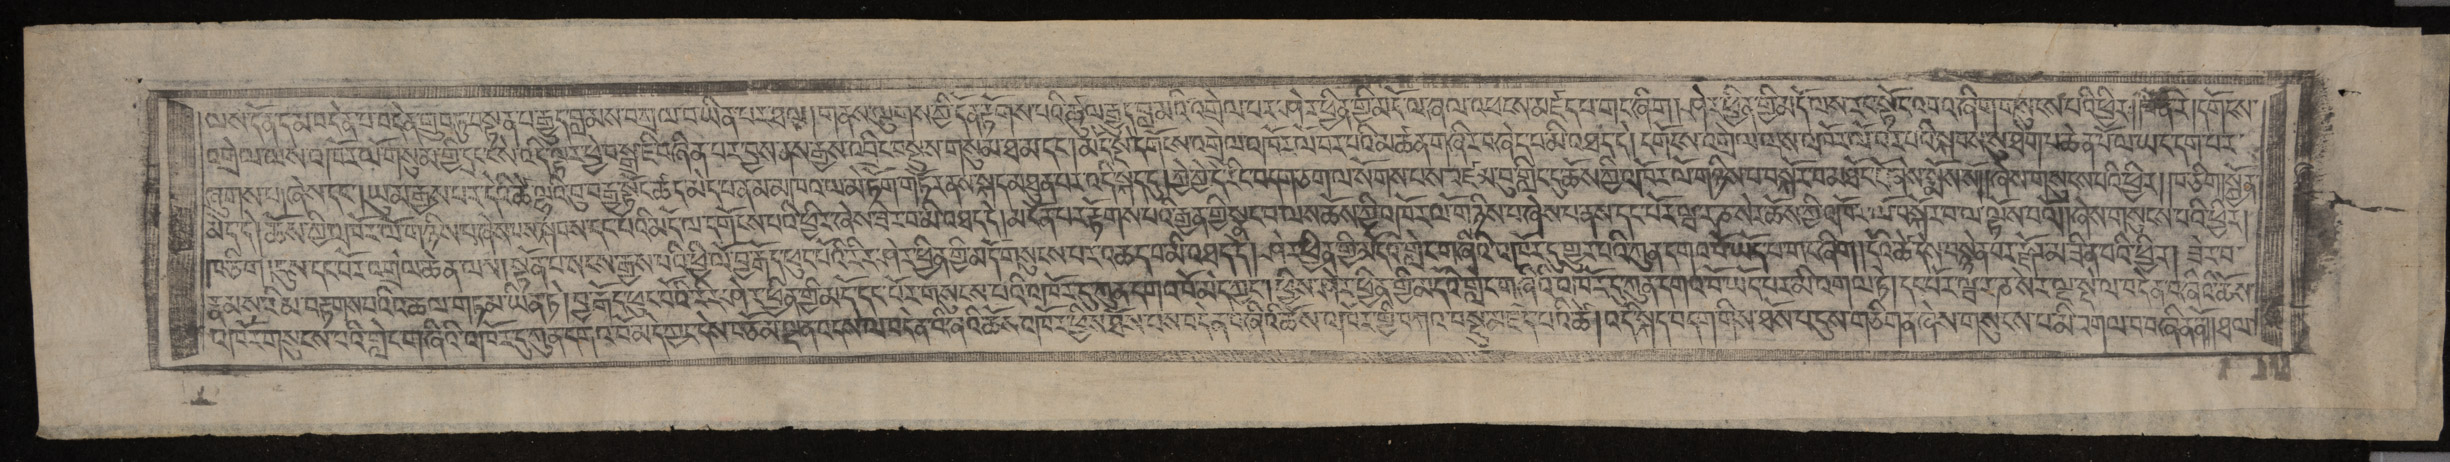ལས་དོན་དམ་བདེན་པ་བདེན་གྲུབ་ཏུ་བསྟན་པ་རྒྱུད་བླ་མས་བཀྲལ་བ་ཡིན་པར་ཐལ། གནས་ལུགས་ཀྱི་དོན་རྟོགས་པའི་ཚུལ་རྒྱུད་བླ་མའི་འགྲེལ་པར་ཤེར་ཕྱིན་གྱི་མདོ་ལ་ཞལ་འཕངས་མཛད་པ་གང་ཞིག །ཤེར་ཕྱིན་གྱི་མདོ་ལས་རང་སྟོང་འབའ་ཞིག་གསུངས་པའི་ཕྱིར། ཁོ་ན་རེ། དགོངས་
འགྲེལ་ལས་འཁོར་ལོ་གསུམ་གྱི་དྲང་ངེས་འདི་ལྟར་ཕྱེ་བ་སྒྲ་ཇི་བཞིན་པར་བྱས་ནས་རྒྱས་འབྲིང་བསྡུས་གསུམ་ཐ་མ་དང་། མདོ་སྡེ་དགོངས་འགྲེལ་འཁོར་ལོ་བར་པའི་མཚན་གཞིར་བཞེད་པ་མི་འཐད་དེ། དགོངས་འགྲེལ་ལས་འཁོར་ལོ་བར་པའི་སྐབས་སུ་ཐེག་པ་ཆེན་པོ་ལ་ཡང་དག་པར་
ཞུགས་པ། ཞེས་དང་། ཡུམ་རྒྱས་པར་དེའི་ཚེ་ལྷའི་བུ་བརྒྱ་སྟོང་ཚད་མེད་པ་ནམ་མཁའ་ལ་མེད་ཏོག་གཏོར་ནས་སྐད་མཐུན་པར་འདི་སྐད་དུ། ཀྱེ་ཀྱེ་དེ་རིང་བདག་ཅག་ལ་སོགས་པས་འཛམ་བུ་གླིང་དུ་ཆོས་ཀྱི་འཁོར་ལོ་གཉིས་པ་བསྐོར་བ་མཐོང་ངོ་ཞེས་སྨོས་སོ། །ཞེས་གསུངས་པའི་ཕྱིར། ཁ་ཅིག །སྐྱོན་
མེད་དེ། ཆོས་ཀྱི་འཁོར་ལོ་གཉིས་པ་ཞེས་པས་སྐབས་དང་པོའི་མདོ་ལ་དགོངས་པའི་ཕྱིར་ཞེས་ཟེར་བ་མི་འཐད་དེ། མངོན་པར་རྟོགས་པའི་རྒྱན་གྱི་སྣང་བ་ལས་ཆོས་ཀྱི་འཁོར་ལོ་གཉིས་པ་ཞེས་པ་ནས་དང་པོར་ཝ་ར་ཎ་སེར་ཆོས་ཀྱི་འཁོར་ལོ་བསྐོར་བ་ལྟོས་པའོ། །ཞེས་གསུངས་པའི་ཕྱིར།
ཁ་ཅིག །དུས་དང་པོར་འགྲེལ་ཆེན་ལས། སྟོན་པ་སངས་རྒྱས་པའི་ཕྱི་ལོ་བྱ་རྒོད་ཕུང་པོའི་རིར་ཤེར་ཕྱིན་གྱི་མདོ་གསུངས་པར་འཆད་པ་མི་འཐད་དེ། ཤེར་ཕྱིན་གྱི་མདོའི་གླེང་གཞིའི་འཁོར་དུ་གྱུར་པའི་ཀུན་དགའ་བོ་ཡོད་པ་གང་ཞིག །དེའི་ཚེ་དེས་བསྙེན་པར་རྫོགས་མ་ཟིན་པའི་ཕྱིར། ཟེར་བ་
རྣམས་ནི་མ་བརྟགས་པའི་འཆལ་གཏམ་ཡིན་ཏེ། བྱ་རྒོད་ཕུང་པོའི་རིར་ཤེར་ཕྱིན་གྱི་མདོ་དང་པོར་གསུངས་པའི་འཁོར་དུ་ཀུན་དགའ་བོ་མེད་ཀྱང་། ཕྱིས་ཤེར་ཕྱིན་གྱི་མདོའི་གླེང་གཞིའི་འཁོར་དུ་ཀུན་དགའ་བོ་ཡོད་པར་མི་འགལ་ཏེ། དང་པོར་ཝ་ར་ཎ་སེར་ལྔ་སྡེ་ལ་བདེན་བཞིའི་ཆོས་
འཁོར་གསུངས་པའི་གླེང་གཞིའི་འཁོར་དུ་ཀུན་དགའ་བོ་མེད་ཀྱང་དེས་བཅོམ་ལྡན་འདས་ལ་བདེན་བཞིའི་ཆོས་འཁོར་ཕྱིས་ཐོས་པས་བདེན་བཞིའི་ཆོས་འཁོར་གྱི་བཀའ་བསྡུ་མཛད་པའི་ཚེ། འདི་སྐད་བདག་གིས་ཐོས་པ་དུས་གཅིག་ན་ཞེས་གསུངས་པ་མི་འགལ་བ་བཞིན་ནོ། ཐལ་